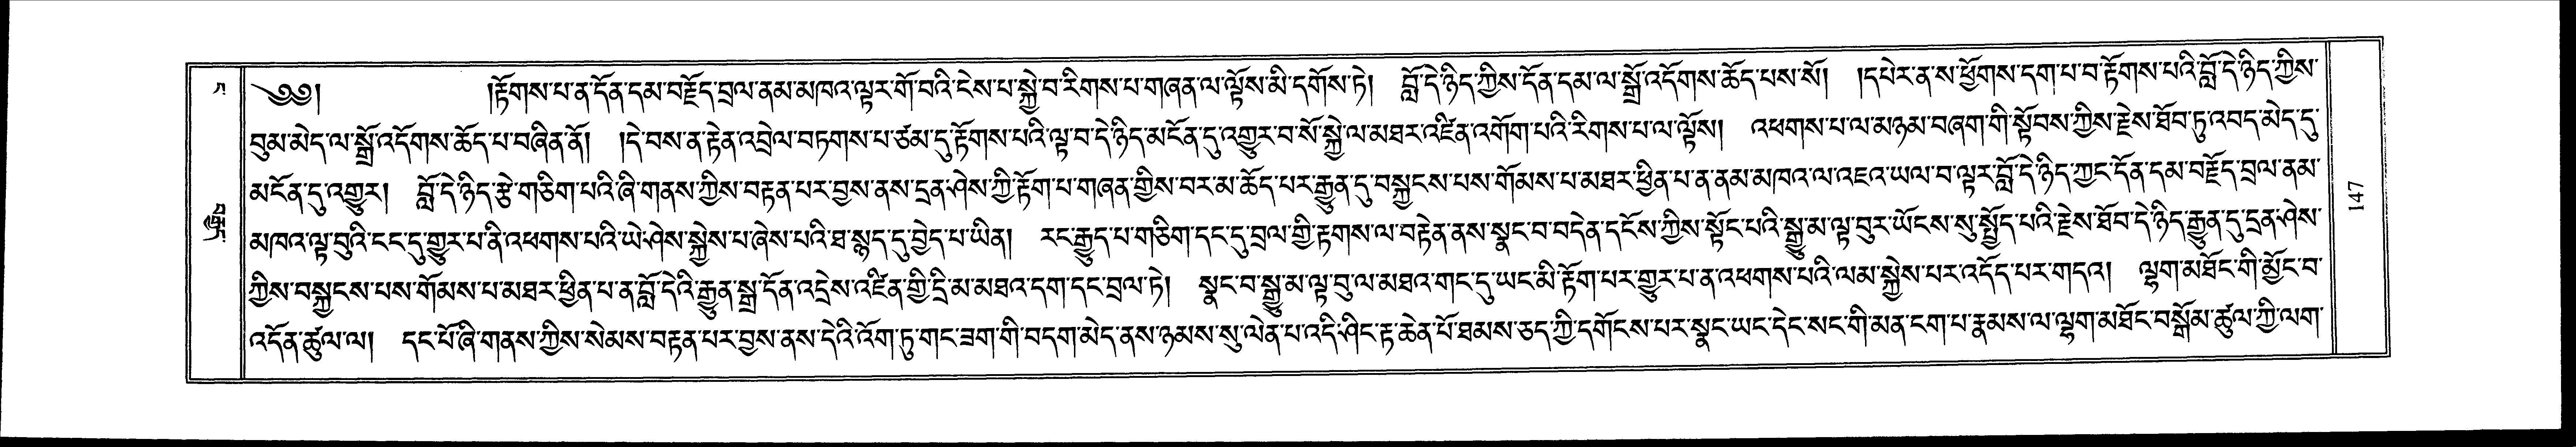༄༅། །རྟོགས་པ་ན་དོན་དམ་བརྗོད་བྲལ་ནམ་མཁའ་ལྟར་གོ་བའི་ངེས་པ་སྐྱེ་བ་རིགས་པ་གཞན་ལ་ལྟོས་མི་དགོས་ཏེ། བློ་དེ་ཉིད་ཀྱིས་དོན་དམ་ལ་སྒྲོ་འདོགས་ཆོད་པས་སོ། །དཔེར་ན་ས་ཕྱོགས་དག་པ་བ་རྟོགས་པའི་བློ་དེ་ཉིད་ཀྱིས་
བུམ་མེད་ལ་སྒྲོ་འདོགས་ཆོད་པ་བཞིན་ནོ། །དེ་བས་ན་རྟེན་འབྲེལ་བཏགས་པ་ཙམ་དུ་རྟོགས་པའི་ལྟ་བ་དེ་ཉིད་མངོན་དུ་འགྱུར་བ་སོ་སྐྱེ་ལ་མཐར་འཛིན་འགོག་པའི་རིགས་པ་ལ་ལྟོས། འཕགས་པ་ལ་མཉམ་བཞག་གི་སྟོབས་ཀྱིས་རྗེས་ཐོབ་ཏུ་འབད་མེད་དུ་
མངོན་དུ་འགྱུར། བློ་དེ་ཉིད་རྩེ་གཅིག་པའི་ཞི་གནས་ཀྱིས་བརྟན་པར་བྱས་ནས་དྲན་ཤེས་ཀྱི་རྟོག་པ་གཞན་གྱིས་བར་མ་ཆོད་པར་རྒྱུན་དུ་བསྐྱངས་པས་གོམས་པ་མཐར་ཕྱིན་པ་ན་ནམ་མཁའ་ལ་འཇའ་ཡལ་བ་ལྟར་བློ་དེ་ཉིད་ཀྱང་དོན་དམ་བརྗོད་བྲལ་ནམ་
མཁའ་ལྟ་བུའི་ངང་དུ་གྱུར་པ་ནི་འཕགས་པའི་ཡེ་ཤེས་སྐྱེས་པ་ཞེས་པའི་ཐ་སྙད་དུ་བྱེད་པ་ཡིན། རང་རྒྱུད་པ་གཅིག་དང་དུ་བྲལ་གྱི་རྟགས་ལ་བརྟེན་ནས་སྣང་བ་བདེན་དངོས་ཀྱིས་སྟོང་པའི་སྒྱུ་མ་ལྟ་བུར་ཡོངས་སུ་སྤྱོད་པའི་རྗེས་ཐོབ་དེ་ཉིད་རྒྱུན་དུ་དྲན་ཤེས་
ཀྱིས་བསྐྱངས་པས་གོམས་པ་མཐར་ཕྱིན་པ་ན་བློ་དེའི་རྒྱུན་སྒྲ་དོན་འདྲེས་འཛིན་གྱི་དྲི་མ་མཐའ་དག་དང་བྲལ་ཏེ། སྣང་བ་སྒྱུ་མ་ལྟ་བུ་ལ་མཐའ་གང་དུ་ཡང་མི་རྟོག་པར་གྱུར་པ་ན་འཕགས་པའི་ལམ་སྐྱེས་པར་འདོད་པར་གདའ། ལྷག་མཐོང་གི་མྱོང་བ་
འདོན་ཚུལ་ལ། དང་པོ་ཞི་གནས་ཀྱིས་སེམས་བརྟན་པར་བྱས་ནས་དེའི་འོག་ཏུ་གང་ཟག་གི་བདག་མེད་ནས་ཉམས་སུ་ལེན་པ་འདི་ཤིང་རྟ་ཆེན་པོ་ཐམས་ཅད་ཀྱི་དགོངས་པར་སྣང་ཡང་དེང་སང་གི་མན་ངག་པ་རྣམས་ལ་ལྷག་མཐོང་བསྒོམ་ཚུལ་ཀྱི་ལག་